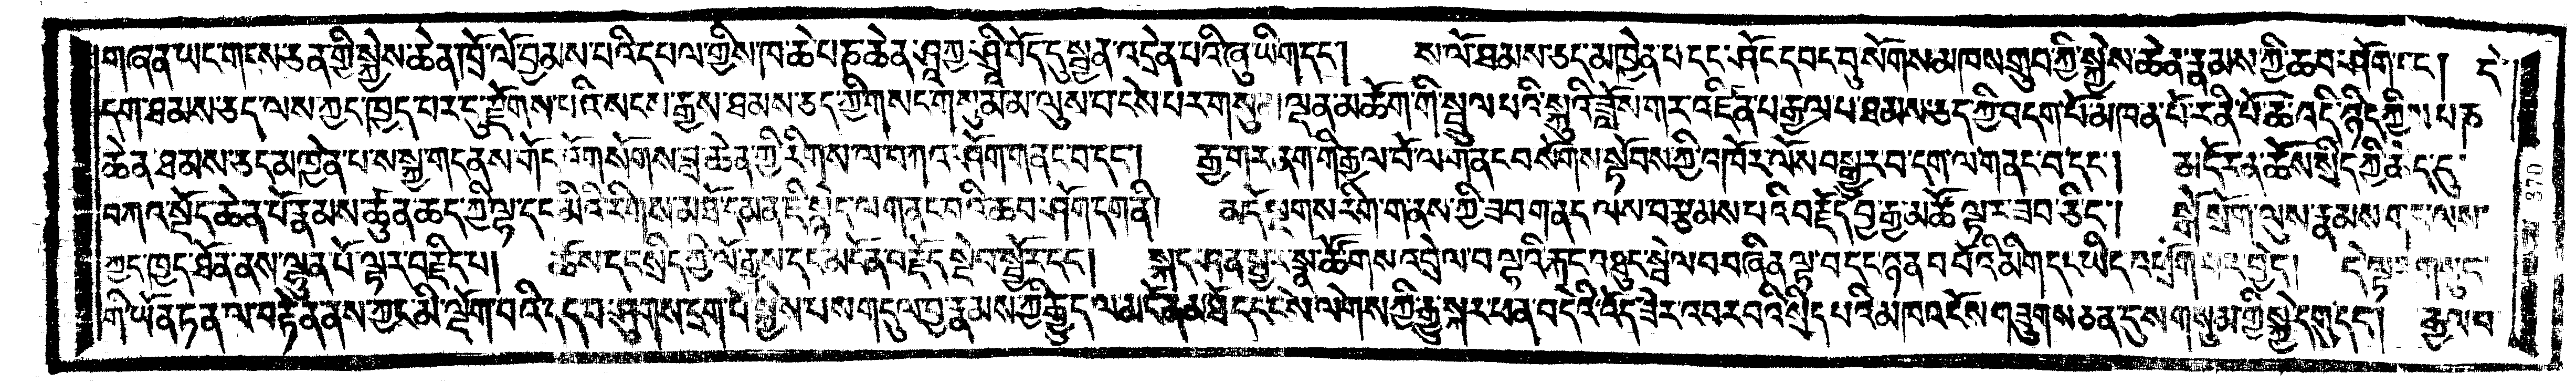གཞན་ཡང་གངས་ཅན་གྱི་སྐྱེས་ཆེན་ཁྲོ་ལོ་བྱམས་པའི་དཔལ་གྱིས་ཁ་ཆེན་པཎ་ཆེན་ཤཱཀྱ་ཤྲཱི་བོད་དུ་སྦྱན་འདྲེན་པའི་ཞུ་ཡིག་དང་། ས་ལོ་ཐམས་ཅད་མཁྱེན་པ་དང་ཤོང་དབང་བུ་སོགས་མཁས་གྲུབ་ཀྱི་སྐྱེས་ཆེན་རྣམས་ཀྱི་ཆབ་ཤོག་དང་། དེ་
དག་ཐམས་ཅད་ལས་ཀྱང་ཁྱད་པར་དུ་རྫོགས་པའི་སངས་རྒྱས་ཐམས་ཅད་ཀྱི་གསང་གསུམ་མ་ལུས་པ་ངེས་པར་གསུམ་ལྡན་མཆོག་གི་སྦྲུལ་བའི་སྐུའི་ཟློས་གར་འཛིན་པ་རྒྱལ་པ་ཐམས་ཅད་ཀྱི་བདག་པོ་མཁན་པོ་རིན་པོ་ཆེ་འདི་ཉིད་ཀྱིས་པཎ་
ཆེན་ཐམས་ཅད་མཁྱེན་པ་ས་སྐྱ་གདན་ས་གོང་འོག་སོགས་བླ་ཆེན་གྱི་རིགས་ལ་བཀའ་ཤོག་གནང་བ་དང་། རྒྱ་གར་ནག་གི་རྒྱལ་པོ་ལ་གནང་བ་སོགས་སྟོབས་ཀྱི་འཁོར་ལོས་བསྒྱུར་བ་དག་ལ་གནང་བ་དང་། མདོར་ན་ཆོས་སྲིད་ཀྱི་ཆེད་དུ་
བཀའ་སྡོད་ཆེན་པོ་རྣམས་ཚུན་ཆད་ཀྱི་ལྷ་དང་མིའི་རིགས་མཐོ་དམན་ཇི་སྙེད་ལ་གནང་བའི་ཆབ་ཤོག་དག་ནི། མདོ་སྔགས་རིག་གནས་ཀྱི་ཟབ་གནད་ལས་བརྩམས་པའི་བརྗོད་བྱ་རྒྱ་མཚོ་ལྟར་ཟབ་ཅིང་། སྒྲོ་སྲོག་ལུས་རྣམས་གང་ལས་
ཀྱང་ཁྱད་ཐོན་ནས་ལྷུན་པོ་ལྟར་བརྗིད་པ། ཚས་དང་སྲིད་ཀྱི་ལོ་རྒྱས་དང་མངོན་བརྗོད་སྡེ་སྦྱོར་དང་། སྐད་ཤན་སྦྱང་སྣ་ཚོགས་འབྲེལ་བལྟའི་རྐང་འཐུང་སྦེལ་བ་བཞིན་ལྟ་བ་དང་ཉན་བོའི་མིག་དང་ཡིད་འཕྲོག་པར་བྱེད། དེ་ལྟར་གསུང?
གི་ཡོན་ཏན་ལ་བརྟེན་ནས་ཀྱང་ཀྱང་མི་ལྡོག་པའི་དད་བ་ཤུགས་དྲག་པོ་སྐྱེས་པས་གདུལ་བྱ་རྣམས་ཀྱི་རྒྱུད་ལམ་ངོན་མཐོ་དང་སེ་ལེགས་ཀྱི་རྒྱུ་སྐར་ཕན་བདེའི་འོད་ཟེར་འབར་བའི་སྲིད་པའི་མཁའ་ངོས་གཟུགས་ཅན་དུས་གསུམ་གྱི་སྐྱེ་དགུ་དང་། རྒྱལ་བ་